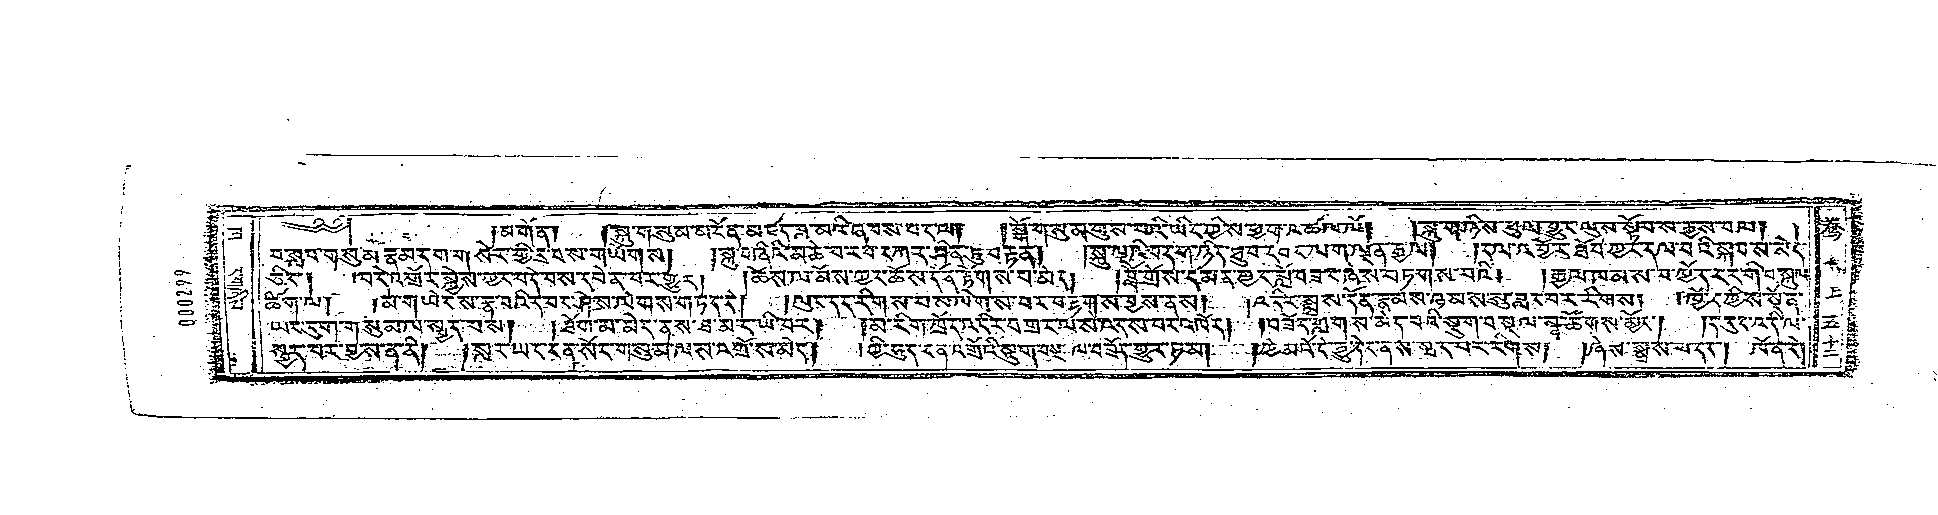༄༅། །མགོན། །སྐུ་གསུམ་མངོན་མཛད་བླ་མའི་ཞབས་པད་ལ། ། སྒོ་གསུམ་གུས་པའི་ཡིད་ཀྱིས་ཕྱག་འཚལ་ལོ། །སྐུ་གཉིས་ཕུལ་བྱུང་ལུས་སྟོབས་རྒྱས་པ་ལ། །
བསླབ་གསུམ་རྣམ་དག་གསེར་གྱི་དྲ་བས་གཡོགས། །སྐུ་བཞིའི་མཆེ་བ་རབ་དཀར་ཤིན་ཏུ་བརྟན། །སྐུ་ལྔའི་བདག་ཉིད་ཐུབ་དབང་ལག་ལྡན་རྒྱལ། །དལ་འབྱོར་ཐོབ་ཀྱང་དལ་བའི་སྐབས་མེད་
ཅིང་། །བདེ་འགྲོང་སྐྱེས་ཀྱང་བདེ་བས་དབེན་པར་གྱུར། །ཆོས་ལ་མོས་ཀྱང་ཆོས་དོན་རྟོགས་པ་མེད། །བློ་གྲོས་དམན་ཀྱང་བློ་བཟང་ཞེས་བཏགས་པའི། །རྒྱལ་ཁམས་པ་ཁྱོད་རང་གི་བསྐུལ་
ཚིག་ལ། །མ་གཡེངས་རྣ་བའི་དབང་ཤེས་ལེགས་གཏད་དེ། །ལུང་དང་རིགས་པས་ལེགས་པར་བརྟགས་བྱས་ནས། །འདིར་སྨྲས་དོན་རྣམས་ཉམས་སུ་བླང་བར་རིགས། །ཁྱོད་ཀྱིས་སྔོན་
ཡང་དུག་གསུམ་ལ་སྤྱད་བས། །ཐོག་མ་མེད་ནས་ཐ་མ་ད་ཡི་བར། །མ་རིག་ཁྲོད་འདིར་བགྲང་ལས་འདས་བར་འཁོར། །བཟོད་གླགས་མེད་པའི་སྡུག་བསྔལ་སྣ་ཚོགས་མྱོང་། །ད་དུང་འདི་ལ་
སྤྱད་པར་བྱས་ན་ནི། །སླར་ཡང་ངན་སོང་གསུམ་ལས་འགྲོས་ས་མེད། །ཀྱི་ཧུད་ངན་འགྲོའི་སྡུག་བསྔལ་བཟོད་གྱུར་ཏམ། །ཀྱེ་མའོ་དེ་རྒྱུ་དེང་ནས་སྤངས་བར་རིགས། །ཞེས་སྨྲས་པ་དང་། ཁོ་ན་རེ།